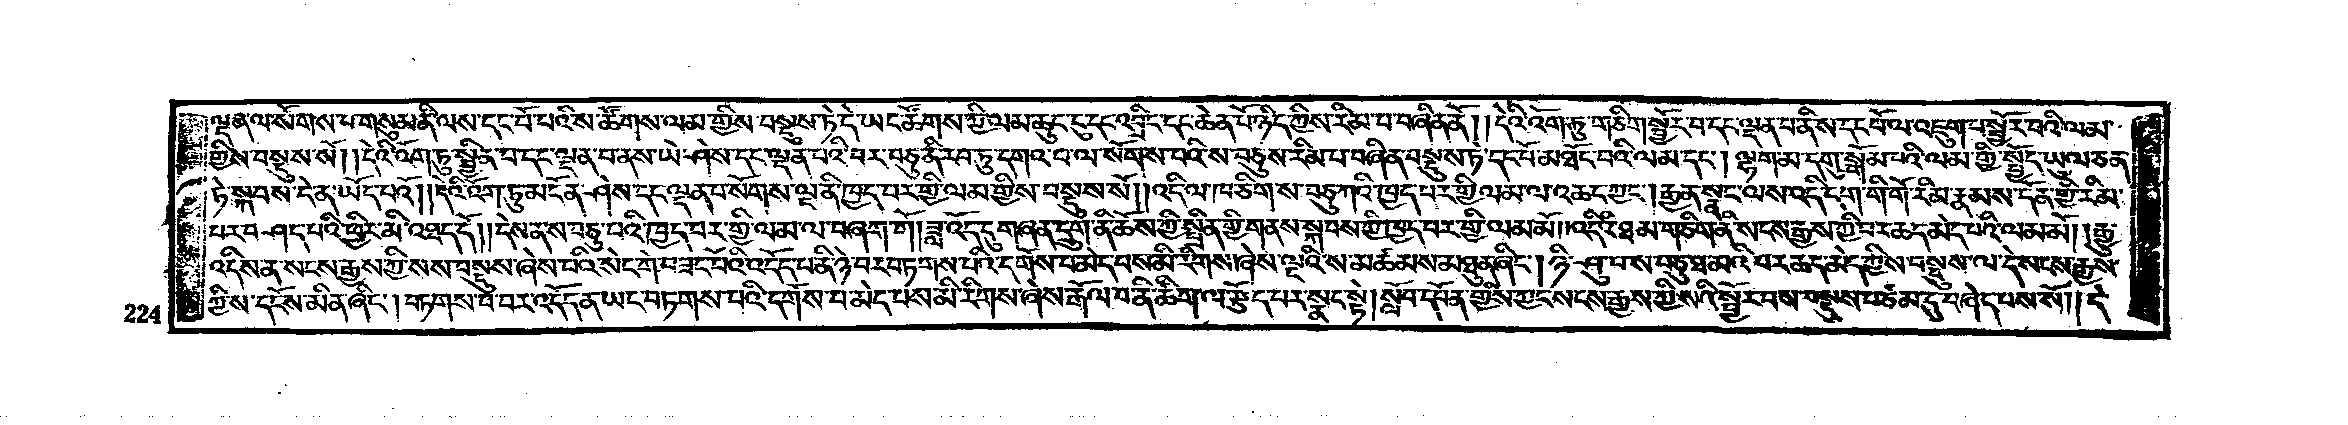ལྡན་ལ་སོགས་པ་གསུམ་ནི་ལས་དང་པོ་བའི་ས་ཚོགས་ལམ་གྱིས་བསྡུས་ཏེ་དེ་ཡང་ཚོགས་ཀྱི་ལམ་ཆུང་ངུ་དང་འབྲིང་དང་ཆེན་པོ་ཉིད་ཀྱིས་རིམ་པ་བཞིན་ནོ། །དེའི་འོག་ཏུ་གཅིག་སྦྱོར་བ་དང་ལྡན་པ་ནི་ས་དང་པོ་ལ་འཇུག་པ་སྦྱོར་བའི་ལམ་
གྱིས་བསྡུས་སོ། །དེའི་འོག་ཏུ་སྦྱིན་པ་དང་ལྡན་པ་ནས་ཡེ་ཤེས་དང་ལྡན་པའི་བར་བཅུ་ནི་རབ་ཏུ་དགའ་བ་ལ་སོགས་པའི་ས་བཅུས་རིམ་པ་བཞིན་བསྡུས་ཏེ་དང་པོ་མཐོང་བའི་ལམ་དང་། ལྷག་མ་དགུ་སྒོམ་པའི་ལམ་གྱི་སྤྱོད་ཡུལ་ཅན་
ཏེ་སྐབས་དེ་ན་ཡོད་པའོ། །དེའི་འོག་ཏུ་མངོན་ཤེས་དང་ལྡན་པ་སོགས་ལྔ་ནི་ཁྱད་པར་གྱི་ལམ་གྱིས་བསྡུས་སོ། །འདི་ལ་ཁ་ཅིག་ས་བཅུ་ཀའི་ཁྱད་པར་གྱི་ལམ་ལ་འཆད་ཀྱང་། རྒྱན་སྣང་ལས་འདི་དག་གི་གོ་རིམ་རྣམས་དོན་གྱི་རིམ་
པར་བཤད་པའི་ཕྱིར་མི་འཐད་དོ། །དེས་ན་ས་བཅུ་པའི་ཁྱད་པར་གྱི་ལམ་ལ་བཞག་གོ །ཟླ་འོད་དུ་གཞན་དྲུག་ནི་ཆོས་ཀྱི་སྤྲིན་གྱི་གནས་སྐབས་ཀྱི་ཁྱད་པར་གྱི་ལམ་མོ། །འདིའི་ཐ་མ་གཅིག་ནི་སངས་རྒྱས་ཀྱི་བར་ཆད་མེད་པའི་ལམ་མོ། །རྒྱུ་
འདིས་ན་སངས་རྒྱས་ཀྱི་སས་བསྡུས་ཞེས་པའི་སེང་གེ་བཟང་པོའི་འདོད་པ་ནི་ཉེ་བར་བཏགས་པའི་དགོས་པ་མེད་པས་མི་རིགས་ཞེས་ལྔའི་ས་མཚམས་མཐུན་ཞིང་། ཉི་ཤུ་པ་ས་བཅུ་ཐ་མའི་བར་ཆད་མེད་ཀྱིས་བསྡུས་ལ་དེ་སངས་རྒྱས་
ཀྱིས་དངོས་མིན་ཞིང་། བཏགས་པ་བར་འདོད་ན་ཡང་བཏགས་པའི་དགོས་པ་མེད་པས་མི་རིགས་ཞེས་རྒོལ་བ་ནི་ཚིག་ལ་རྩོད་པར་སྣང་སྟེ། སློབ་དཔོན་གྱིས་ཀྱང་སངས་རྒྱས་ཀྱི་སའི་སྦྱོར་བས་བསྡུས་པ་ཙམ་དུ་བཞེད་པས་སོ། །དེ་